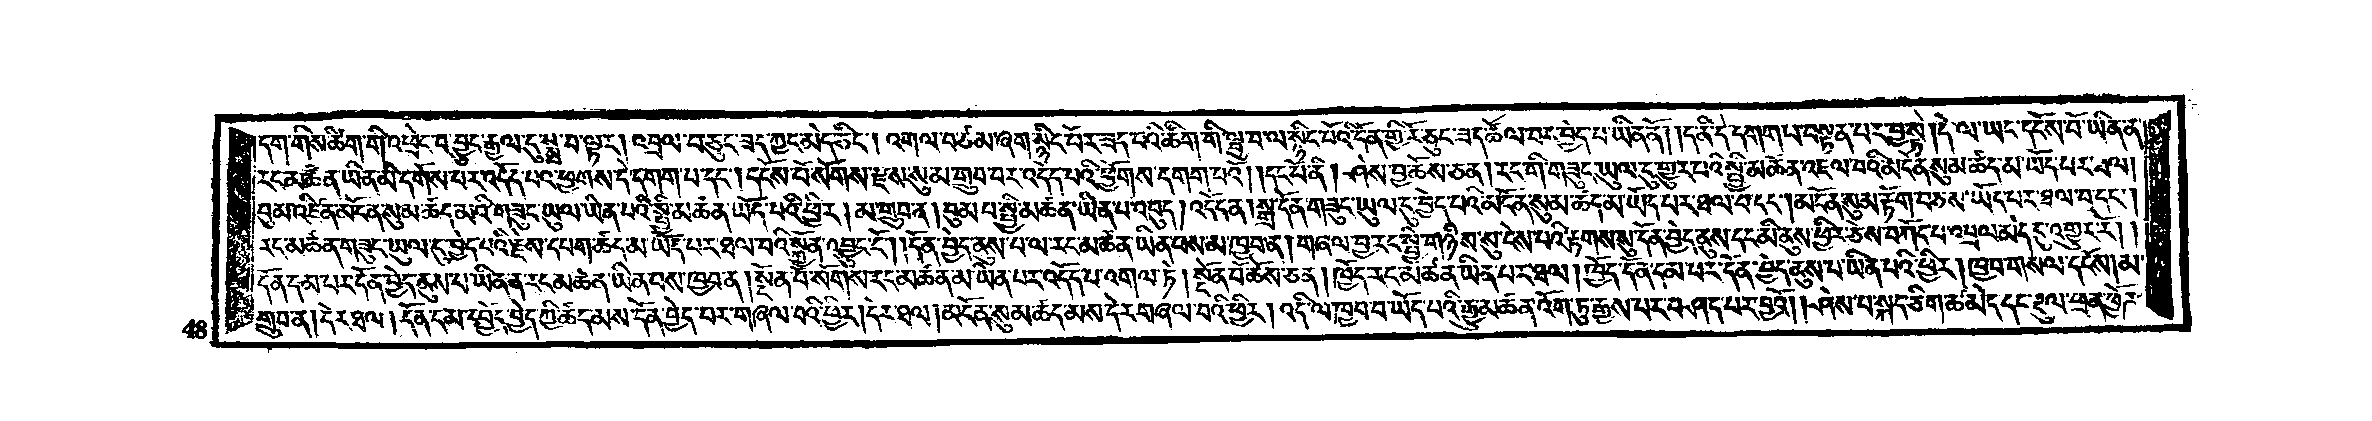དག་གིས་ཚིག་གི་འཕྲེང་བ་བྱུང་རྒྱལ་དུ་སྨྲ་བ་ལྟར། འབྲལ་བ་ཅུང་ཟད་ཀྱང་མེད་ཅིང་། འགལ་བ་ཅམ་ཞིག་སྙིང་པོར་ཟད་བའི་ཚིག་གི་ལྦུ་བ་ལ་སྙིང་པོའི་དོན་གྱི་རོ་ཅུང་ཟད་ཚོལ་བར་བྱེད་པ་ཡིན་ནོ། །ད་ནི་དེ་དགག་པ་བསྟན་པར་བྱ་སྟེ། དེ་ལ་ཡང་དངོས་པོ་ཡིན་ན་
རང་མཚན་ཡིན་མི་དགོས་པར་འདོད་པའི་ཕྱོགས་དེ་?་དགག་པ་དང་། དངོས་པོ་སོགས་རྫས་སུ་མ་གྲུབ་པར་འདོད་པའི་ཕྱོགས་དགག་པའོ། །དང་པོ་ནི། ཤེས་བྱ་ཆོས་ཅན། རང་གི་གཟུང་ཡུལ་དུ་གྱུར་པའི་སྤྱི་མཚན་འཇལ་བའི་མངོན་སུམ་ཚད་མ་ཡིད་པར་ཐལ།
བུམ་འཛིན་མངོན་སུམ་ཚད་མའི་གཟུང་ཡུལ་ཡིན་པའི་སྤྱི་མཚན་ཡོད་?་པའི་ཕྱིར། མ་གྲུབ་ན། བུམ་པ་སྤྱི་མཚན་ཡིན་པ་འབུད། འདོད་ན། སྒྲ་དོན་གཟུང་ཡུལ་དུ་བྱེད་པའི་མངོན་སུམ་ཚད་མ་ཡོད་པར་ཐལ་བ་དང་། མངོན་སུམ་རྟོག་བཅས་ཡོད་པར་ཐལ་བ་དང་།
རང་མཚན་གཟུང་ཡུལ་དུ་བྱེད་པའི་རྗེས་དཔག་ཚད་མ་ཡོད་པར་ཐལ་བའི་སྐྱོན་འབྱུང་ངོ། །དོན་བྱེད་ནུས་པ་ལ་རང་མཚན་ཡིན་པས་མ་ཁྱབ་ན། གཞལ་བྱ་རང་སྤྱི་གཉིས་སུ་ངེས་པའི་རྟགས་སུ་དོན་བྱེད་ནུས་དང་མི་ནུས་ཕྱིར་ཅེས་བཀོད་པ་འབྲལ་མེད་དུ་འགྱུར་རོ། །
དོན་དམ་པར་དོན་བྱེད་ནུས་པ་ཡིན་ན་རང་མཚན་ཡིན་པས་ཁྱབ་ན། སྔོན་པོ་སོགས་རང་མཚན་མ་ཡིན་པར་འདོད་པ་འགལ་ཏེ། སྔོན་པོ་ཆོས་ཅན། ཁྱོད་རང་མཚན་ཡིན་པར་ཐལ། ཁྱོད་དོན་དམ་པར་དོན་བྱེད་ནུས་པ་ཡིན་པའི་ཕྱིར། ཁྱབ་གསལ་དངོས། མ་
གྲུབ་ན། དེར་ཐལ། དོན་དམ་དཔྱོད་བྱེད་ཀྱི་ཚད་མས་དོན་བྱེད་པར་གཞལ་བའི་ཕྱིར། དེར་ཐལ། མངོན་སུམ་ཚད་མས་དེར་གཞལ་བའི་ཕྱིར། འདི་ལ་ཁྱབ་པ་ཡོད་པའི་རྒྱུ་མཚན་འོག་ཏུ་རྒྱས་པར་བཤད་པར་བྱའོ། །ཤེས་བསྐད་ཅིག་ཆ་མེད་དང་རྡུལ་ཕྲན་ཕྱོགས་